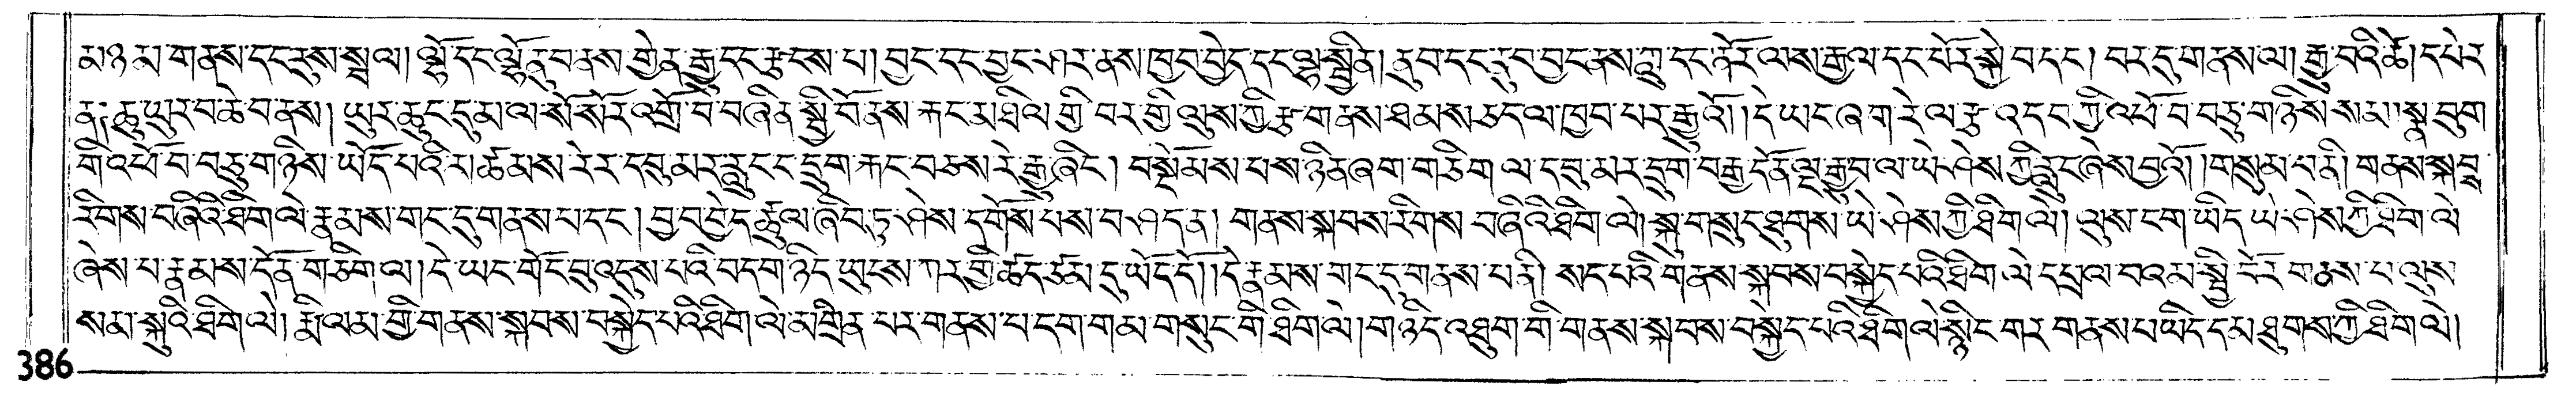མཉམ་གནས་དང་རུས་སྦལ། ལྷོ་དང་ལྷོ་ནུབ་ནས་གྱེན་རྒྱུ་དང་རྩངས་པ། བྱང་དང་བྱང་ཤར་ནས་ཁྱབ་བྱེད་དང་ལྷ་སྦྱིན། ནུབ་དང་ནུབ་བྱང་ནས་ཀླུ་དང་ནོར་ལས་རྒྱལ་དང་པོར་སྐྱེ་བ་དང་། བར་དུ་གནས་ལ། རྒྱུ་བའི་ཚེ། དཔེར་
ན། ཆུ་ཡུར་བ་ཆེ་བ་ནས། ཡུར་ཆུང་དུ་མ་ལ་སོ་སོར་འགྲོ་བ་བཞིན་སྤྱི་བོ་ནས་རྐང་མཐིལ་གྱི་བར་གྱི་ལུས་ཀྱི་རྩ་གནས་ཐམས་ཅད་ལ་ཁྱབ་པར་རྒྱུའོ། །དེ་ཡང་ཞག་རེ་ལ་རྩ་འདབ་ཀྱི་འཕོ་བ་བཅུ་གཉིས་སམ། སྣ་བུག་
གི་འཕོ་བ་བཅུ་གཉིས་ཡོད་པའི་མཚམས་རེར་དབུ་མར་རླུང་ང་དྲུག་རྐང་བཅས་རེ་རྒྱུ་ཞིང་། བསྡོམས་པས་ཉིན་ཞག་གཅིག་ལ་དབུ་མར་དྲུག་བརྒྱ་དོན་ལྔ་རྒྱུ་བ་ལ་ཡེ་ཤེས་ཀྱི་རླུང་ཞེས་བྱའོ། །གསུམ་པ་ནི། གནས་སྐབས་
རིགས་བཞིའི་ཐིག་ལེ་རྣམས་གང་དུ་གནས་པ་དང་། བྱ་བ་བྱེད་ཚུལ་ཞིབ་ཏུ་ཤེས་དགོས་པས་བཤད་ན། གནས་སྐབས་རིགས་བཞིའི་ཐིག་ལེ། སྐུ་གསུང་ཐུགས་ཡེ་ཤེས་ཀྱི་ཐིག་ལེ། ལུས་ངག་ཡིད་ཡེ་ཤེས་ཀྱི་ཐིག་ལེ་
ཞེས་པ་རྣམས་དོན་གཅིག་ལ། དེ་ཡང་གོང་བུ་འདུས་པའི་བདག་ཉིད་ཡུངས་ཀར་གྱི་ཚད་ཙམ་དུ་ཡོད་དོ། །དེ་རྣམས་གང་དུ་གནས་པ་ནི། སད་པའི་གནས་སྐབས་བསྐྱེད་པའི་ཐིག་ལེ་དཔྲལ་བའམ་སྤྱི་བོར་གནས་པ་ལུས་
སམ་སྐུའི་ཐིག་ལེ། རྨི་ལམ་གྱི་གནས་སྐབས་བསྐྱེད་པའི་ཐིག་ལེ་མགྲིན་པར་གནས་པ་དག་གམ་གསུང་གི་ཐིག་ལེ། གཉིད་འཐུག་གི་གནས་སྐབས་བསྐྱེད་པའི་ཐིག་ལེ་སྙིང་གར་གནས་པ་ཡིད་དམ་ཐུགས་ཀྱི་ཐིག་ལེ།